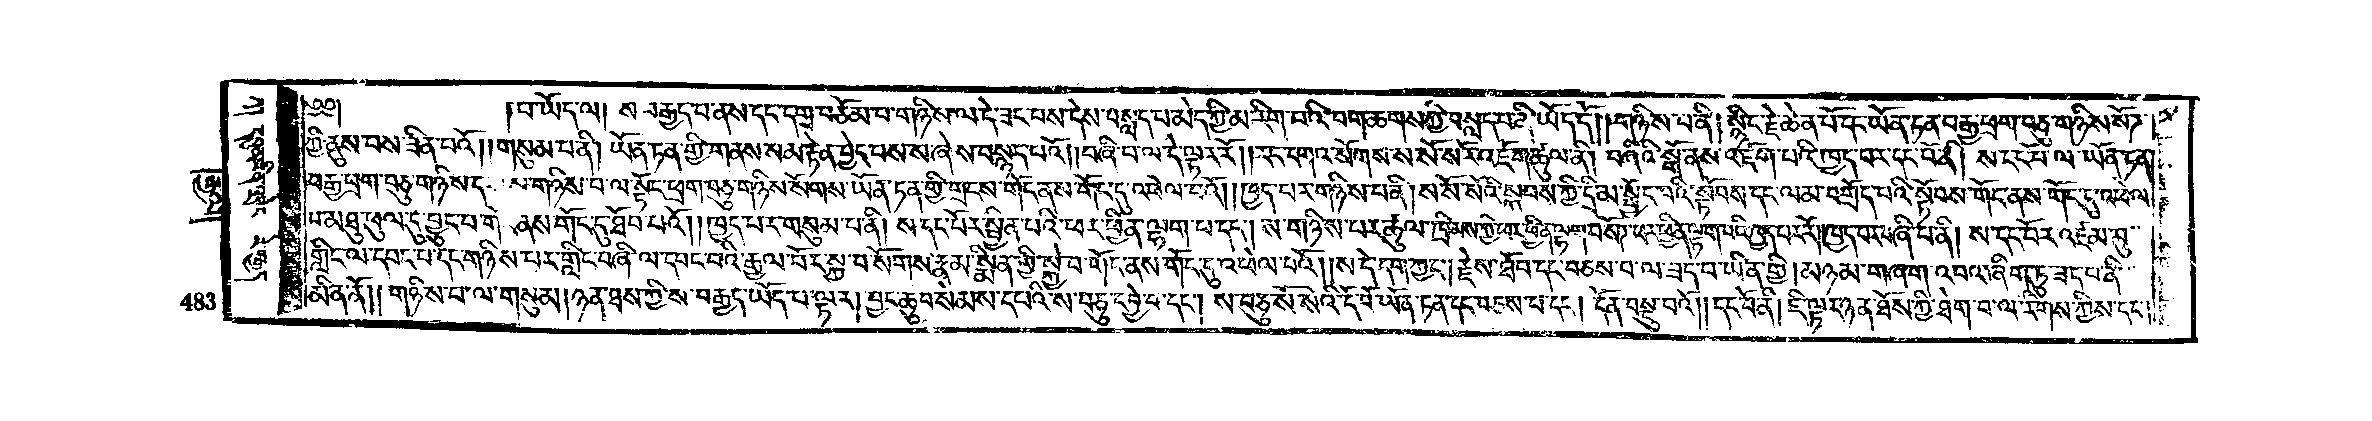༄༅། །པ་ཡོད་ལ། ས་བརྒྱད་པ་ནས་དང་དགྲ་བཅོམ་པ་གཉིས་ལ་དེ་ཟང་བས་དེས་བསླད་པ་མེད་ཀྱི་མ་རིག་པའི་བག་ཆགས་ཀྱི་བསླད་པ་ནི་ཡོད་དོ། །གཉིས་པ་ནི། སྙིང་རྗེ་ཆེན་པོ་དང་ཡོན་ཏན་བརྒྱ་ཕྲག་བཅུ་གཉིས་སོགས་
ཀྱི་ནུས་པས་ཟིན་པའོ། །གསུམ་པ་ནི། ཡོན་ཏན་གྱི་གནས་སམ་རྟེན་བྱེད་པས་ས་ཞེས་བསྙད་པའོ། །བཞི་པ་ལ་དེ་ལྟར་རོ། །རང་དགའ་སོགས་ས་སོ་སོར་འཇོག་ཚུལ་ནི། བཞིའི་སྒོ་ནས་འཇོག་པའི་ཁྱད་པར་དང་པོ་ནི། ས་དང་པོ་ལ་ཡོན་ཏན་
བརྒྱ་ཕྲག་བཅུ་གཉིས་དང་། ས་གཉིས་པ་ལ་སྟོང་ཕྲག་བཅུ་གཉིས་སོགས་ཡོན་ཏན་གྱི་གྲངས་གོང་ནས་གོང་དུ་འཕེལ་བའོ། །ཁྱད་པར་གཉིས་པ་ནི། ས་སོ་སོའི་སྐབས་ཀྱི་དྲི་མ་སྦྱོང་པའི་སྟོབས་དང་ལམ་བགྲོད་པའི་སྟོབས་གོང་ནས་གོང་དུ་འཕེལ་
པ་མཐུ་ཕུལ་དུ་བྱུང་བ་གོང་ནས་གོང་དུ་ཐོབ་པའོ། །ཁྱད་པར་གསུམ་པ་ནི། ས་དང་པོར་སྦྱིན་པའི་ཕར་ཕྱིན་ལྷག་པ་དང་། ས་གཉིས་པར་ཚུལ་ཁྲིམས་ཀྱི་ཕར་ཕྱིན་ལྷག་པ་སོགས་ཕར་ཕྱིན་ལྟག་པའི་ཁྱད་པར་རོ། །ཁྱད་པར་བཞི་པ་ནི། ས་དང་པོར་འཛམ་བུ་
གླིང་ལ་དབང་པ་དང་གཉིས་པར་གླིང་བཞི་ལ་དབང་བའི་རྒྱལ་པོར་སྐྱེ་བ་སོགས་རྣམ་སྨིན་གྱི་སྐྱེ་བ་གོང་ནས་གོང་དུ་འཕེལ་བའོ། །ས་དེ་དག་ཀྱང་། རྗེས་ཐོབ་དང་བཅས་པ་ལ་ཟད་པ་ཡིན་གྱི། མཉམ་གཞག་འབའ་ཞིག་ཏུ་ཟད་པ་ནི་
མིན་ནོ། །གཉིས་པ་ལ་གསུམ། ཉན་ཐོས་ཀྱི་ས་བརྒྱད་ཡོད་པ་ལྟར། བྱང་ཆུབ་སེམས་དཔའི་ས་བཅུ་དབྱེ་བ་དང་། ས་བཅུ་སོ་སོའི་ངོ་བོ་ཡོན་ཏན་དང་བཅས་པ་དང་། དོན་བསྡུ་བའོ། །དང་པོ་ནི། ཇི་ལྟར་ཉན་ཐོས་ཀྱི་ཐེག་པ་ལ་རིགས་ཀྱིས་དང་།